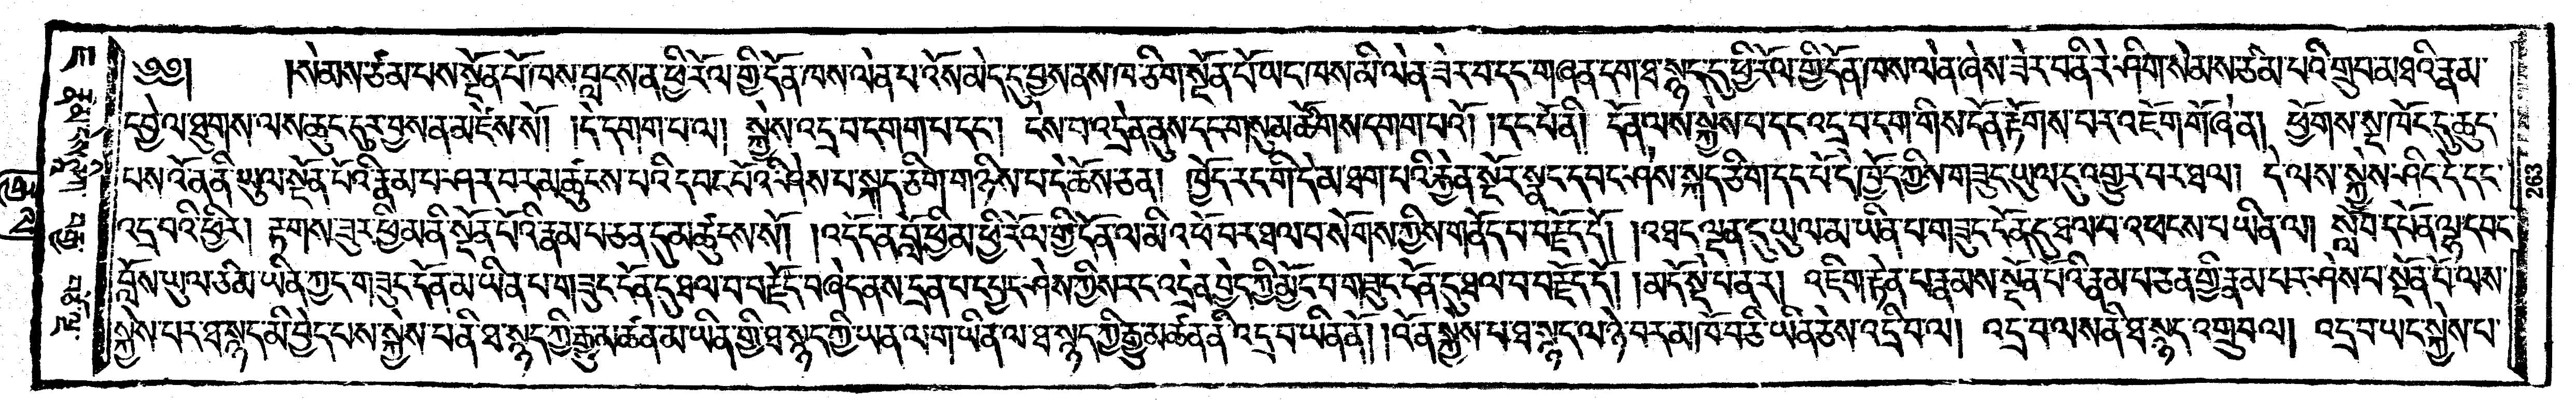༄༅། །སེམས་ཙམ་པས་སྔོན་པོ་ཁས་བླངས་ན་ཕྱི་རོལ་གྱི་དོན་ཁས་ལེན་པ་འོས་མེད་དུ་བྱས་ནས་ཁ་ཅིག་སྔོན་པོ་ཡང་ཁས་མི་ལེན་ཟེར་བ་དང་གཞན་དག་ཐ་སྙད་དུ་ཕྱི་རོལ་གྱི་དོན་ཁས་ལེན་ཞེས་ཟེར་བ་ནི་རེ་ཤིག་སེམས་ཙམ་པའི་གྲུབ་མཐའི་རྣམ་
དབྱེ་ལ་ཐུགས་ལས་ཆུང་ངུར་བྱས་ན་མཛེས་སོ། །དེ་དགག་པ་ལ། སྐྱེས་འདྲ་བ་དགག་པ་དང་། ངེས་པ་འདྲེན་ནུས་དང་གསུམ་ཚོགས་དགག་པའོ། །དང་པོ་ནི། དོན་ལས་སྐྱེས་པ་དང་འདྲ་བ་དག་གིས་དོན་རྟོགས་པར་འཇོག་གོ་ཞེ་ན། ཕྱོགས་སྔ་ཁོང་དུ་ཆུད་
པས་འོ་ན་ནི་ཡུལ་སྔོན་པོའི་རྣམ་པ་ཤར་བར་མཚུངས་པའི་དབང་པོའི་ཤེས་པ་སྐད་ཅིག་གཉིས་པ་དེ་ཆོས་ཅན། ཁྱོད་རང་གི་དེ་མ་ཐག་པའི་རྐྱེན་སྔོར་སྣང་དབང་ཤེས་སྐད་ཅིག་དང་པོ་དེ་ཁྱོད་ཀྱིས་གཟུང་ཡུལ་དུ་འགྱུར་བར་ཐལ། དེ་ལས་སྐྱེས་ཤིང་དེ་དང་
འདྲ་བའི་ཕྱིར། རྟགས་ཟུར་ཕྱི་མ་ནི་སྔོན་པོའི་རྣམ་པ་ཅན་དུ་མཚུངས་སོ། །འདོད་ན་བློ་ཕྱི་མ་ཕྱི་རོལ་གྱི་དོན་ལ་མི་འཕོ་བར་ཐལ་བ་སོགས་ཀྱིས་གནོད་པ་བརྗོད་དོ། །འཐད་ལྡན་དུ་ཡུལ་མ་ཡིན་པ་གཟུང་དོན་དུ་ཐལ་བ་འཕངས་པ་ཡིན་ལ། སློབ་དཔོན་ལྷ་དབང་
བློས་ཡུལ་ཙམ་ཡིན་ཀྱང་གཟུང་དོན་མ་ཡིན་པ་གཟུང་དོན་དུ་ཐལ་བ་བརྗོད་བཞེད་ནས་དྲན་པ་དཔྱད་ཤེས་ཀྱིས་རང་འདྲེན་བྱེད་ཀྱི་མྱོང་བ་གཟུང་དོན་དུ་ཐལ་བ་བརྗོད་དོ། །མདོ་སྡེ་པ་ན་ར། འཇིག་རྟེན་པ་རྣམས་སྔོན་པོའི་རྣམ་པ་ཅན་གྱི་རྣམ་པར་ཤེས་པ་སྔོན་པོ་ལས་
སྐྱེས་པར་ཐ་སྙད་མི་བྱེད་པས་སྐྱེས་པ་ནི་ཐ་སྙད་ཀྱི་རྒྱུ་མཚན་མ་ཡིན་གྱི་ཐ་སྙད་ཀྱི་ཡན་ལག་ཡིན་ལ་ཐ་སྙད་ཀྱི་རྒྱུ་མཚན་ནི་འདྲ་བ་ཡིན་ནོ། །འོ་ན་སྐྱེས་པ་ཐ་སྙད་ལ་ཉེ་བར་མཁོ་བ་ཅི་ཡིན་ཅེས་འདྲི་བ་ལ། འདྲ་བ་ལས་ནི་ཐ་སྙད་འགྲུབ་ལ། འདྲ་བ་ཡང་སྐྱེས་པ་